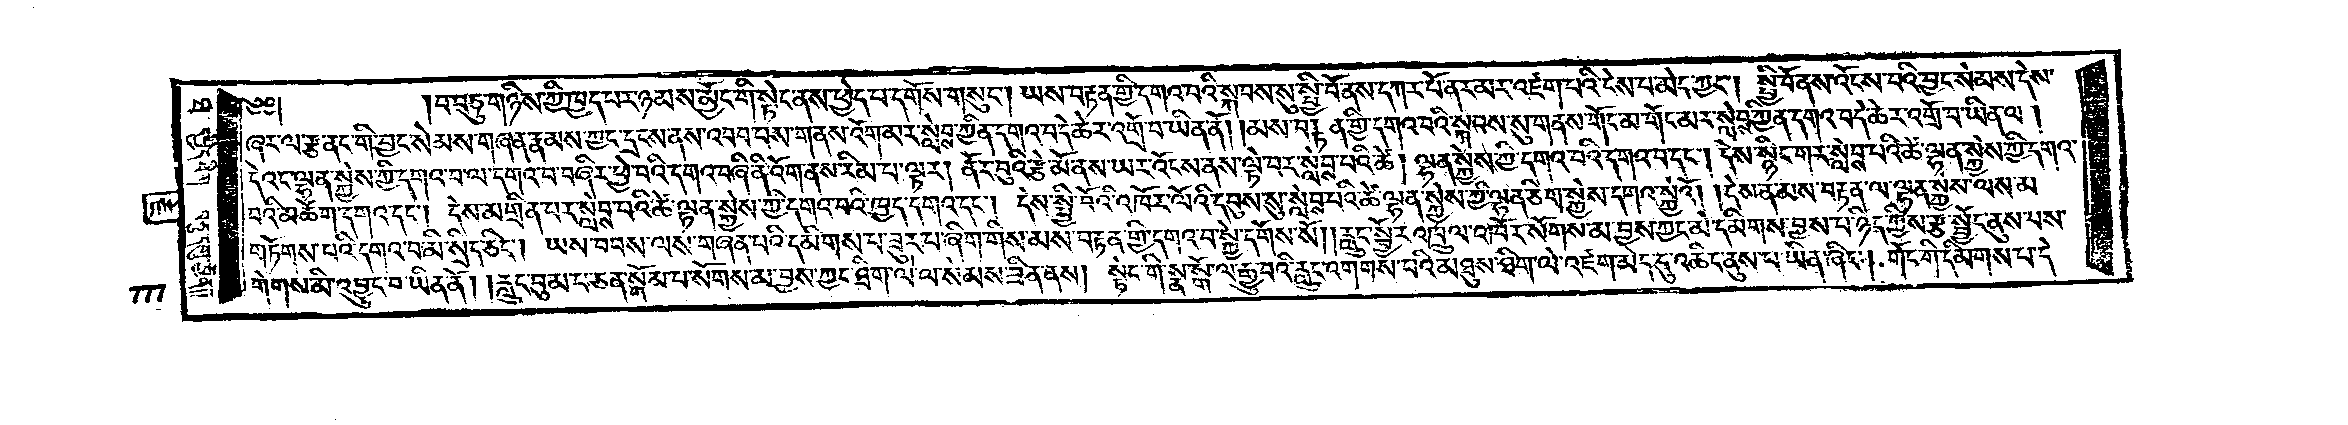༄༅། །བ་བཅུ་གཉིས་ཀྱི་ཁྱད་པར་ཉམས་མྱོང་གི་སྟེང་ནས་ཕྱེད་པ་དགོས་གསུང་། ཡས་བརྟན་གྱི་དགའ་བའི་སྐབས་སུ་སྤྱི་བོ་ནས་དཀར་པོ་ནར་མར་འཛག་པའི་ངེས་པ་མེད་ཀྱང་། སྤྱི་བོ་ནས་འོངས་པའི་བྱང་སེམས་དེས་
ཞར་ལ་རྩ་ནང་གི་བྱང་སེམས་གཞན་རྣམས་ཀྱང་དྲངས་ནས་འབབ་པས་གནས་འོག་མར་སླེབས་ཀྱིན་དགའ་བདེ་ཆེར་འགྲོ་བ་ཡིན་ནོ། །མས་བརྟན་གྱི་དགའ་བའི་སྐབས་སུ་གནས་གོང་མ་གོང་མར་སླེབས་ཀྱིན་དགའ་བདེ་ཆེར་འགྲོ་བ་ཡིན་ལ།
དེའང་ལྷན་སྐྱེས་ཀྱི་དགའ་བ་ལ་དགའ་བ་བཞིར་ཕྱེ་བའི་དགའ་བཞི་ནི་འོག་ནས་རིམ་པ་ལྟར། ནོར་བུའི་རྩེ་མོ་ནས་ཡར་འོངས་ནས་ལྟེ་བར་སླེབས་པའི་ཚེ། ལྷན་སྐྱེས་ཀྱི་དགའ་བའི་དགའ་བ་དང་། དེས་སྙིང་གར་སླེབས་པའི་ཚེ་ལྷན་སྐྱེས་ཀྱི་དགའ་
བའི་མཆོག་དགའ་དང་། དེས་མགྲིན་པར་སླེབས་པའི་ཚེ་ལྷན་སྐྱེས་ཀྱི་དགའ་བའི་ཁྱད་དགའ་དང་། དེས་སྤྱི་བོའི་འཁོར་ལོའི་དབུས་སུ་སླེབས་པའི་ཚེ་ལྷན་སྐྱེས་ཀྱི་ལྷན་ཅིག་སྐྱེས་དགའ་སྐྱེའོ། །དེས་ན་མས་བརྟན་ལ་ལྷན་སྐྱེས་ལས་མ་
གཏོགས་པའི་དགའ་བ་མི་སྲིད་ཅིང་། ཡས་བབས་ལས་གཞན་པའི་དམིགས་པ་ཟུར་པ་ཞིག་གིས་མས་བརྟན་གྱི་དགའ་བ་སྐྱེ་དགོས་སོ། །རླུང་སྦྱོར་འཁྲུལ་འཁོར་སོགས་མ་བྱས་ཀྱང་མེ་དམིགས་བྱས་པ་ཉིད་ཀྱིས་རྩ་སྦྱོང་ནུས་པས་
གེགས་མི་འབྱུང་བ་ཡིན་ནོ། །རླུང་བུམ་པ་ཅན་སྒོམ་པ་སོགས་མ་བྱས་ཀྱང་ཐིག་ལེ་ལ་སེམས་ཟིན་ནས། སྟེང་གི་སྣ་སྒོ་ལ་རྒྱུ་བའི་རླུང་འགགས་པའི་མཐུས་ཐིག་ལེ་འཛག་མེད་དུ་འཆིང་ནུས་པ་ཡིན་ཞིང་། གོང་གི་དམིགས་པ་དེ་